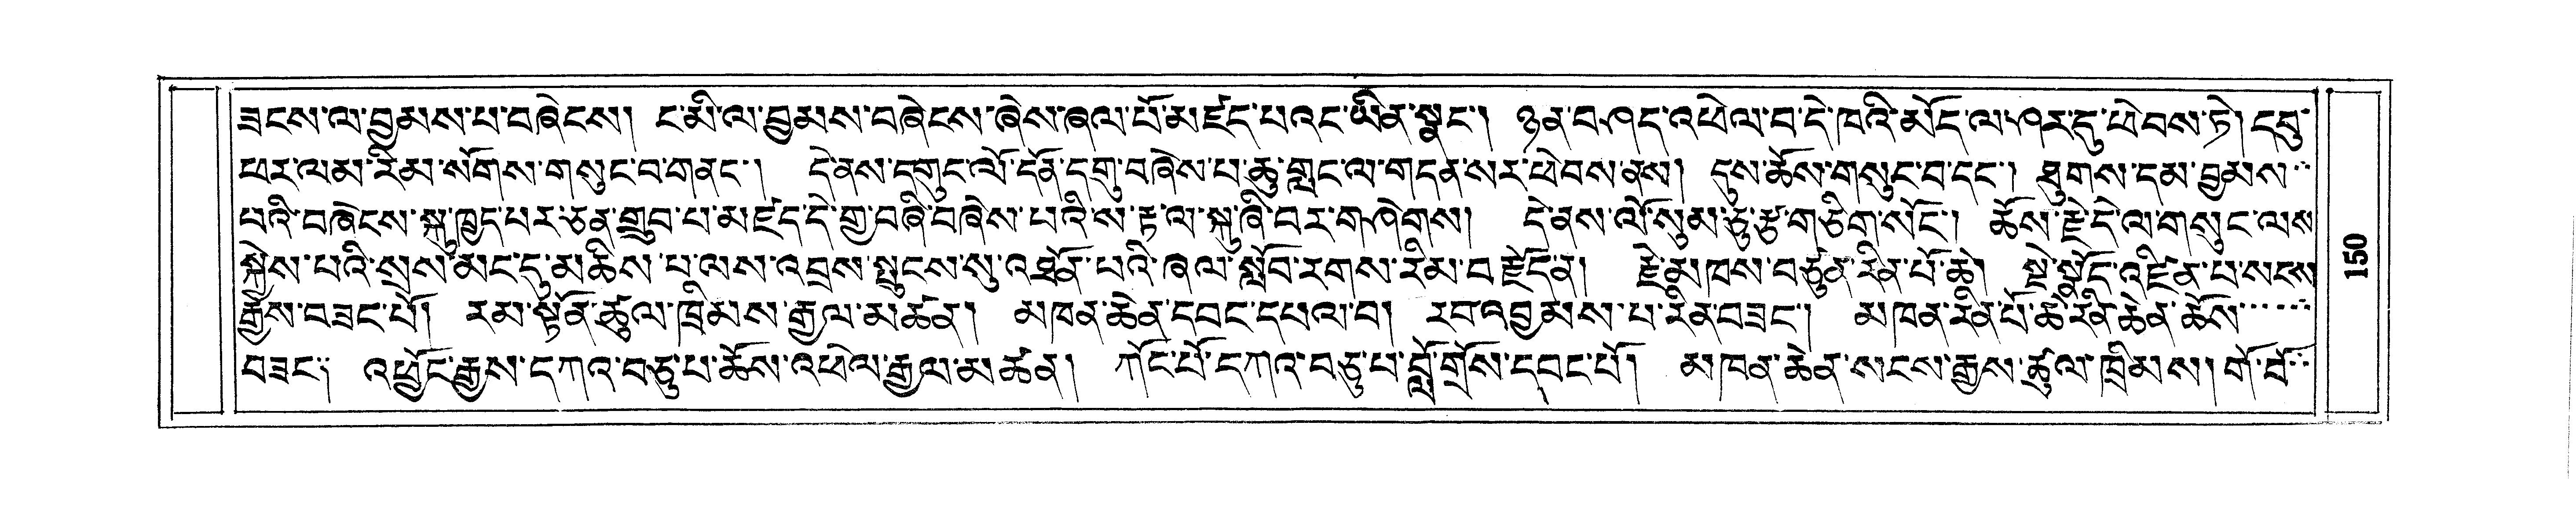ཟངས་ལ་བྱམས་པ་བཞེངས། ང་མི་ལ་བྱམས་བཞེངས་ཞེས་ཞལ་པོ་མཛད་པའང་ཡིན་སྣང་། ཉན་བཤད་འཕེལ་བ་དེ་ཁའི་མོད་ལ་ཤར་དུ་ཕེབས་ཏེ། དབུ་
ཕར་ལམ་རིམ་སོགས་གསུང་བ་གནང་། དེ་ནས་དགུང་ལོ་དོན་དགུ་བཞེས་པ་ཆུ་གླང་ལ་གདན་སར་ཕེབས་ནས། དུས་ཆོས་གསུང་བ་དང་། ཐུགས་དམ་བྱམས་
པའི་བཞེངས་སྐུ་ཁྱད་པར་ཅན་གྲུབ་པ་མཛད་དེ་གྱ་བཞི་བཞེས་པའི་ས་རྟ་ལ་སྐུ་ཞི་བར་གཤེགས། དེ་ནས་ལོ་སུམ་ཅུ་རྩ་གཅིག་སོང་། ཆོས་རྗེ་དེ་ལ་གསུང་ལས་
སྐྱེས་པའི་སྲས་མང་དུ་མཆིས་པ་ལས་འབྲས་སྤུངས་སུ་འཐོན་པའི་ཞལ་སློབ་རགས་རིམ་བརྗོད་ན། རྗེ་མཁས་བཙུན་རིན་པོ་ཆེ། སྡེ་སྣོད་འཛིན་པ་སངས་
རྒྱས་བཟང་པོ། རམ་སྟོན་ཚུལ་ཁྲིམས་རྒྱལ་མཚན། མཁན་ཆེན་དབང་དཔལ་བ། རབ་འབྱམས་པ་རིན་བཟང་། མཁན་རིན་པོ་ཆེ་རིན་ཆེན་ཆོས་
བཟང༑ འཕྱོང་རྒྱས་དཀའ་བཅུ་པ་ཆོས་འཕེལ་རྒྱལ་མཚན། ཀོང་པོ་དཀའ་བཅུ་པ་བློ་གྲོས་དབང་པོ། མཁན་ཆེན་སངས་རྒྱས་ཚུལ་ཁྲིམས། གོ་བོ་